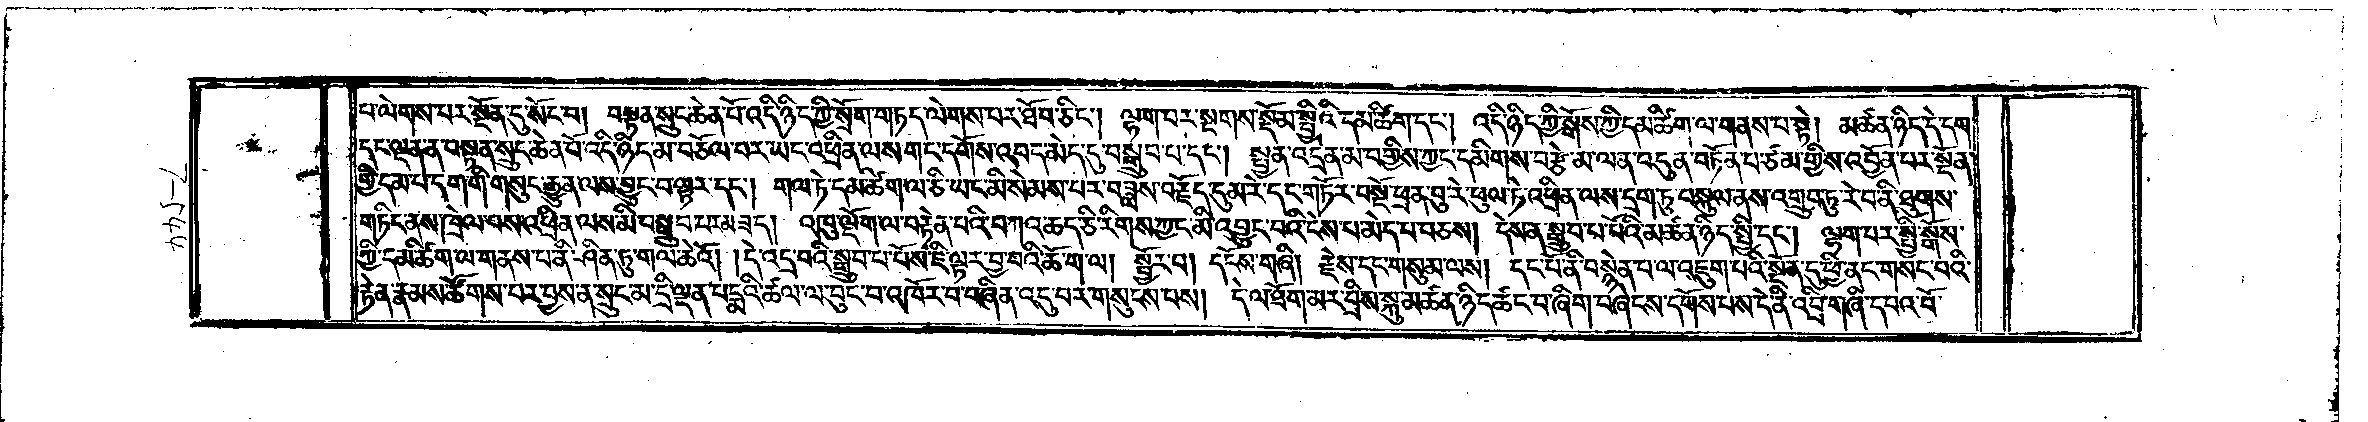པ་ལེགས་པར་སྔོན་དུ་སོང་པ། བསྟན་སྲུང་ཆེན་པོ་འདི་ཉིད་ཀྱི་སྲོག་གཏད་ལེགས་པར་ཐོབ་ཅིང་། ལྷག་པར་སྔགས་སྡོམ་སྤྱིའི་དམ་ཚིག་དང་། འདི་ཉིད་ཀྱི་སྒོས་ཀྱི་དམ་ཚིག་ལ་གནས་པ་སྟེ། མཚན་ཉིད་དེ་དག་
དང་ལྡན་ན་བསྟན་སྲུང་ཆེན་པོ་འདི་ཉིད་མ་བཅོལ་བར་ཡང་འཕྲིན་ལས་གང་དགོས་འབད་མེད་དུ་བསྒྲུབ་པ་དང་། སྤྱན་འདྲེན་མ་བགྱིས་ཀྱང་དམིགས་བརྩེ་མ་ལན་བདུན་བཏོན་པ་ཙམ་གྱིས་འབྱོན་པར་སྔོན་
གྱི་དམ་པ་དག་གི་གསུང་རྒྱུན་ལས་བྱུང་བ་ལྟར་དང་། གལ་ཏེ་དམ་ཚིག་ལ་ཅི་ཡང་མི་སེམས་པར་བཟླས་བརྗོད་དུ་མ་རེ་དང་གཏོར་བསྔོ་ཕྲན་བུ་རེ་ཕུལ་ཏེ་འཕྲིན་ལས་དྲག་ཏུ་བསྐུལ་ནས་འགྲུབ་ཏུ་རེ་བ་ནི་ཐུགས་
གཏིང་ནས་ཁྲེལ་བས་འཕྲིན་ལས་མི་བསྒྲུབ་པར་མ་ཟད། འཁུ་ལྡོག་པ་བརྟེན་པའི་བཀའ་ཆད་ཅི་རིགས་ཀྱང་མི་འབྱུང་བའི་ངེས་པ་མེད་པ་བཅས། དེས་ན་སྒྲུབ་པ་པོའི་མཚན་ཉིད་སྤྱི་དང་། ལྷག་པར་སྤྱི་སྒོས་
ཀྱི་དམ་ཚིག་ལ་གནས་པ་ནི་ཤིན་ཏུ་གལ་ཆེའོ། །དེ་འདྲ་བའི་སྒྲུབ་པ་པོས་ཇི་ལྟར་བྱ་བའི་ཆོ་ག་ལ། སྦྱོར་བ། དངོས་གཞི། རྗེས་དང་གསུམ་ལས། དང་པོ་ནི་བསྙེན་པ་ལ་འཇུག་པའི་སྔོན་དུ་ཕྱི་ནང་གསང་བའི་
རྟེན་རྣམས་ཚོགས་པར་བྱས་ན་སྲུང་མ་དྲི་ལྡན་པདམའི་ཚལ་ལ་བུང་བ་འཁོར་བ་བཞིན་འདུ་བར་གསུངས་པས། དེ་ལ་ཐོག་མར་བྲིས་སྐུ་མཚན་ཉིད་ཚང་བ་ཞིག་བཞེངས་དགོས་པས་དེ་ནི་འབྲི་གཞི་དཔའ་བོ་